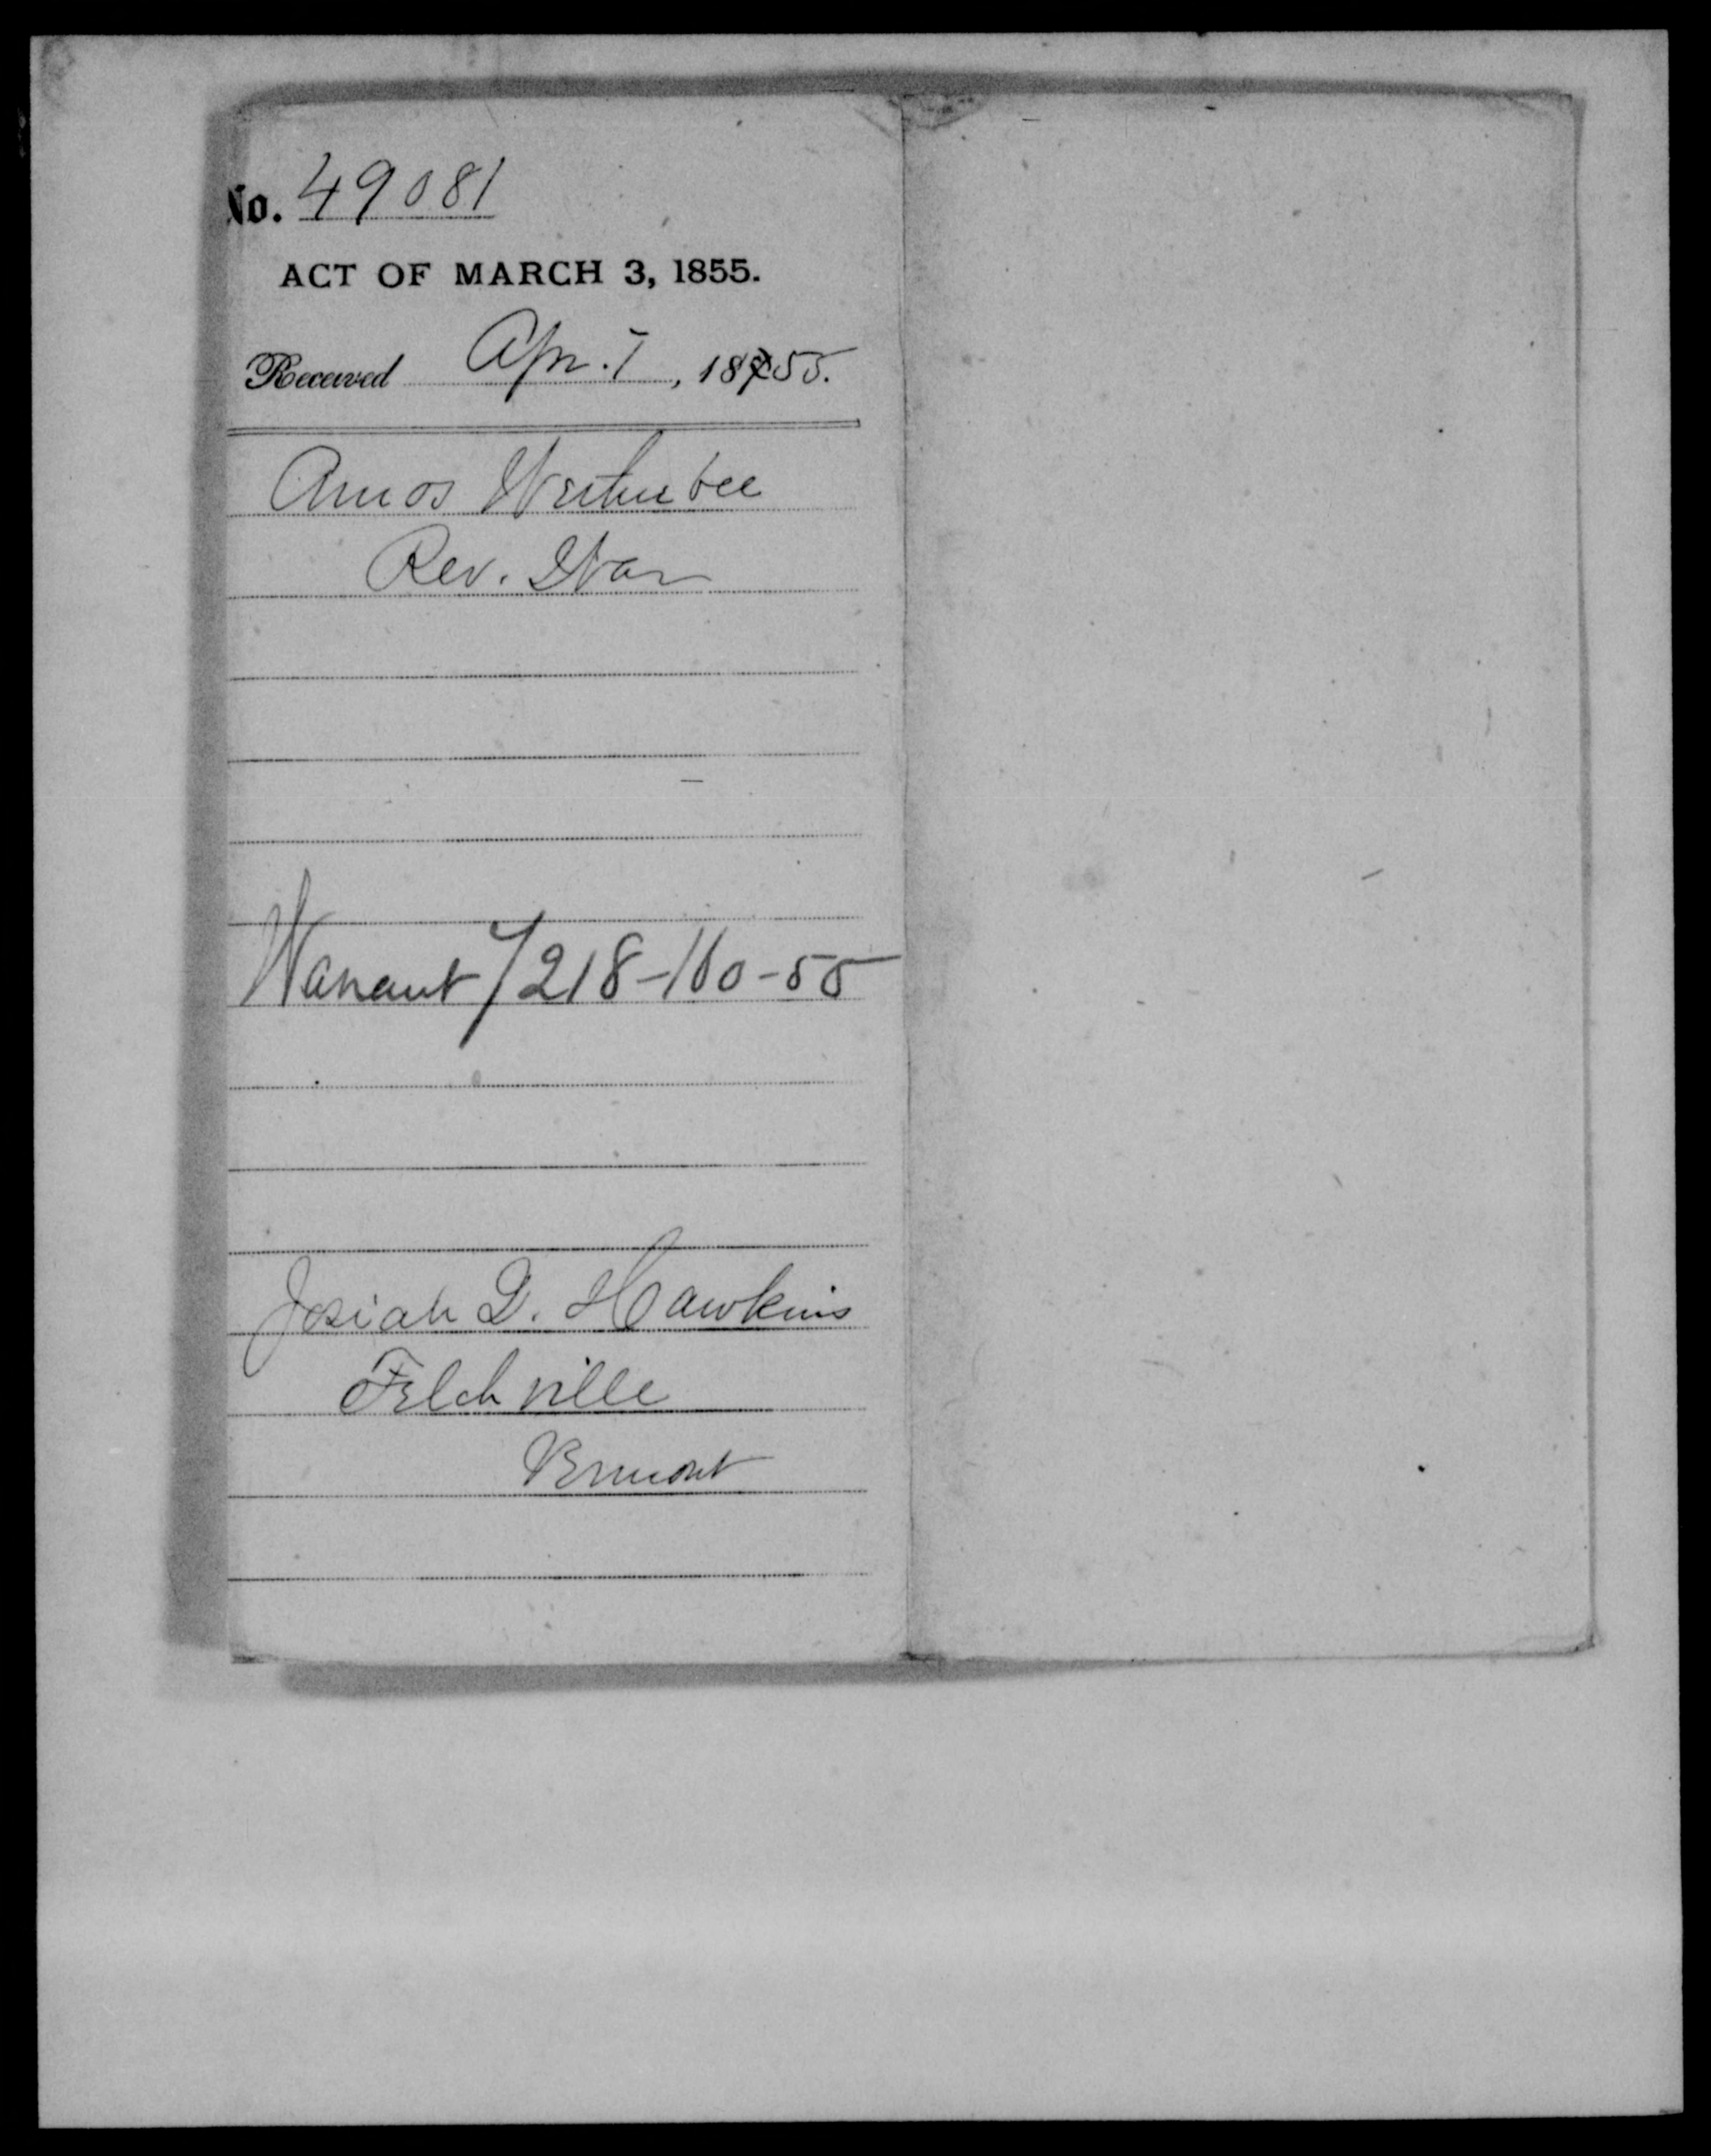No. 49081
Act of March 3, 1855
Received Apr. 7 1855

Amos Wetherbee
Rev. War

Warrant of 218-160-55

Josiah Q. Hawkins
Felchville
Vermont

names: Amos Wetherbee, Josiah Q Hawkins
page: 66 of 66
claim: widow's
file: W. 2468, Amos Wetherbee, Mass.